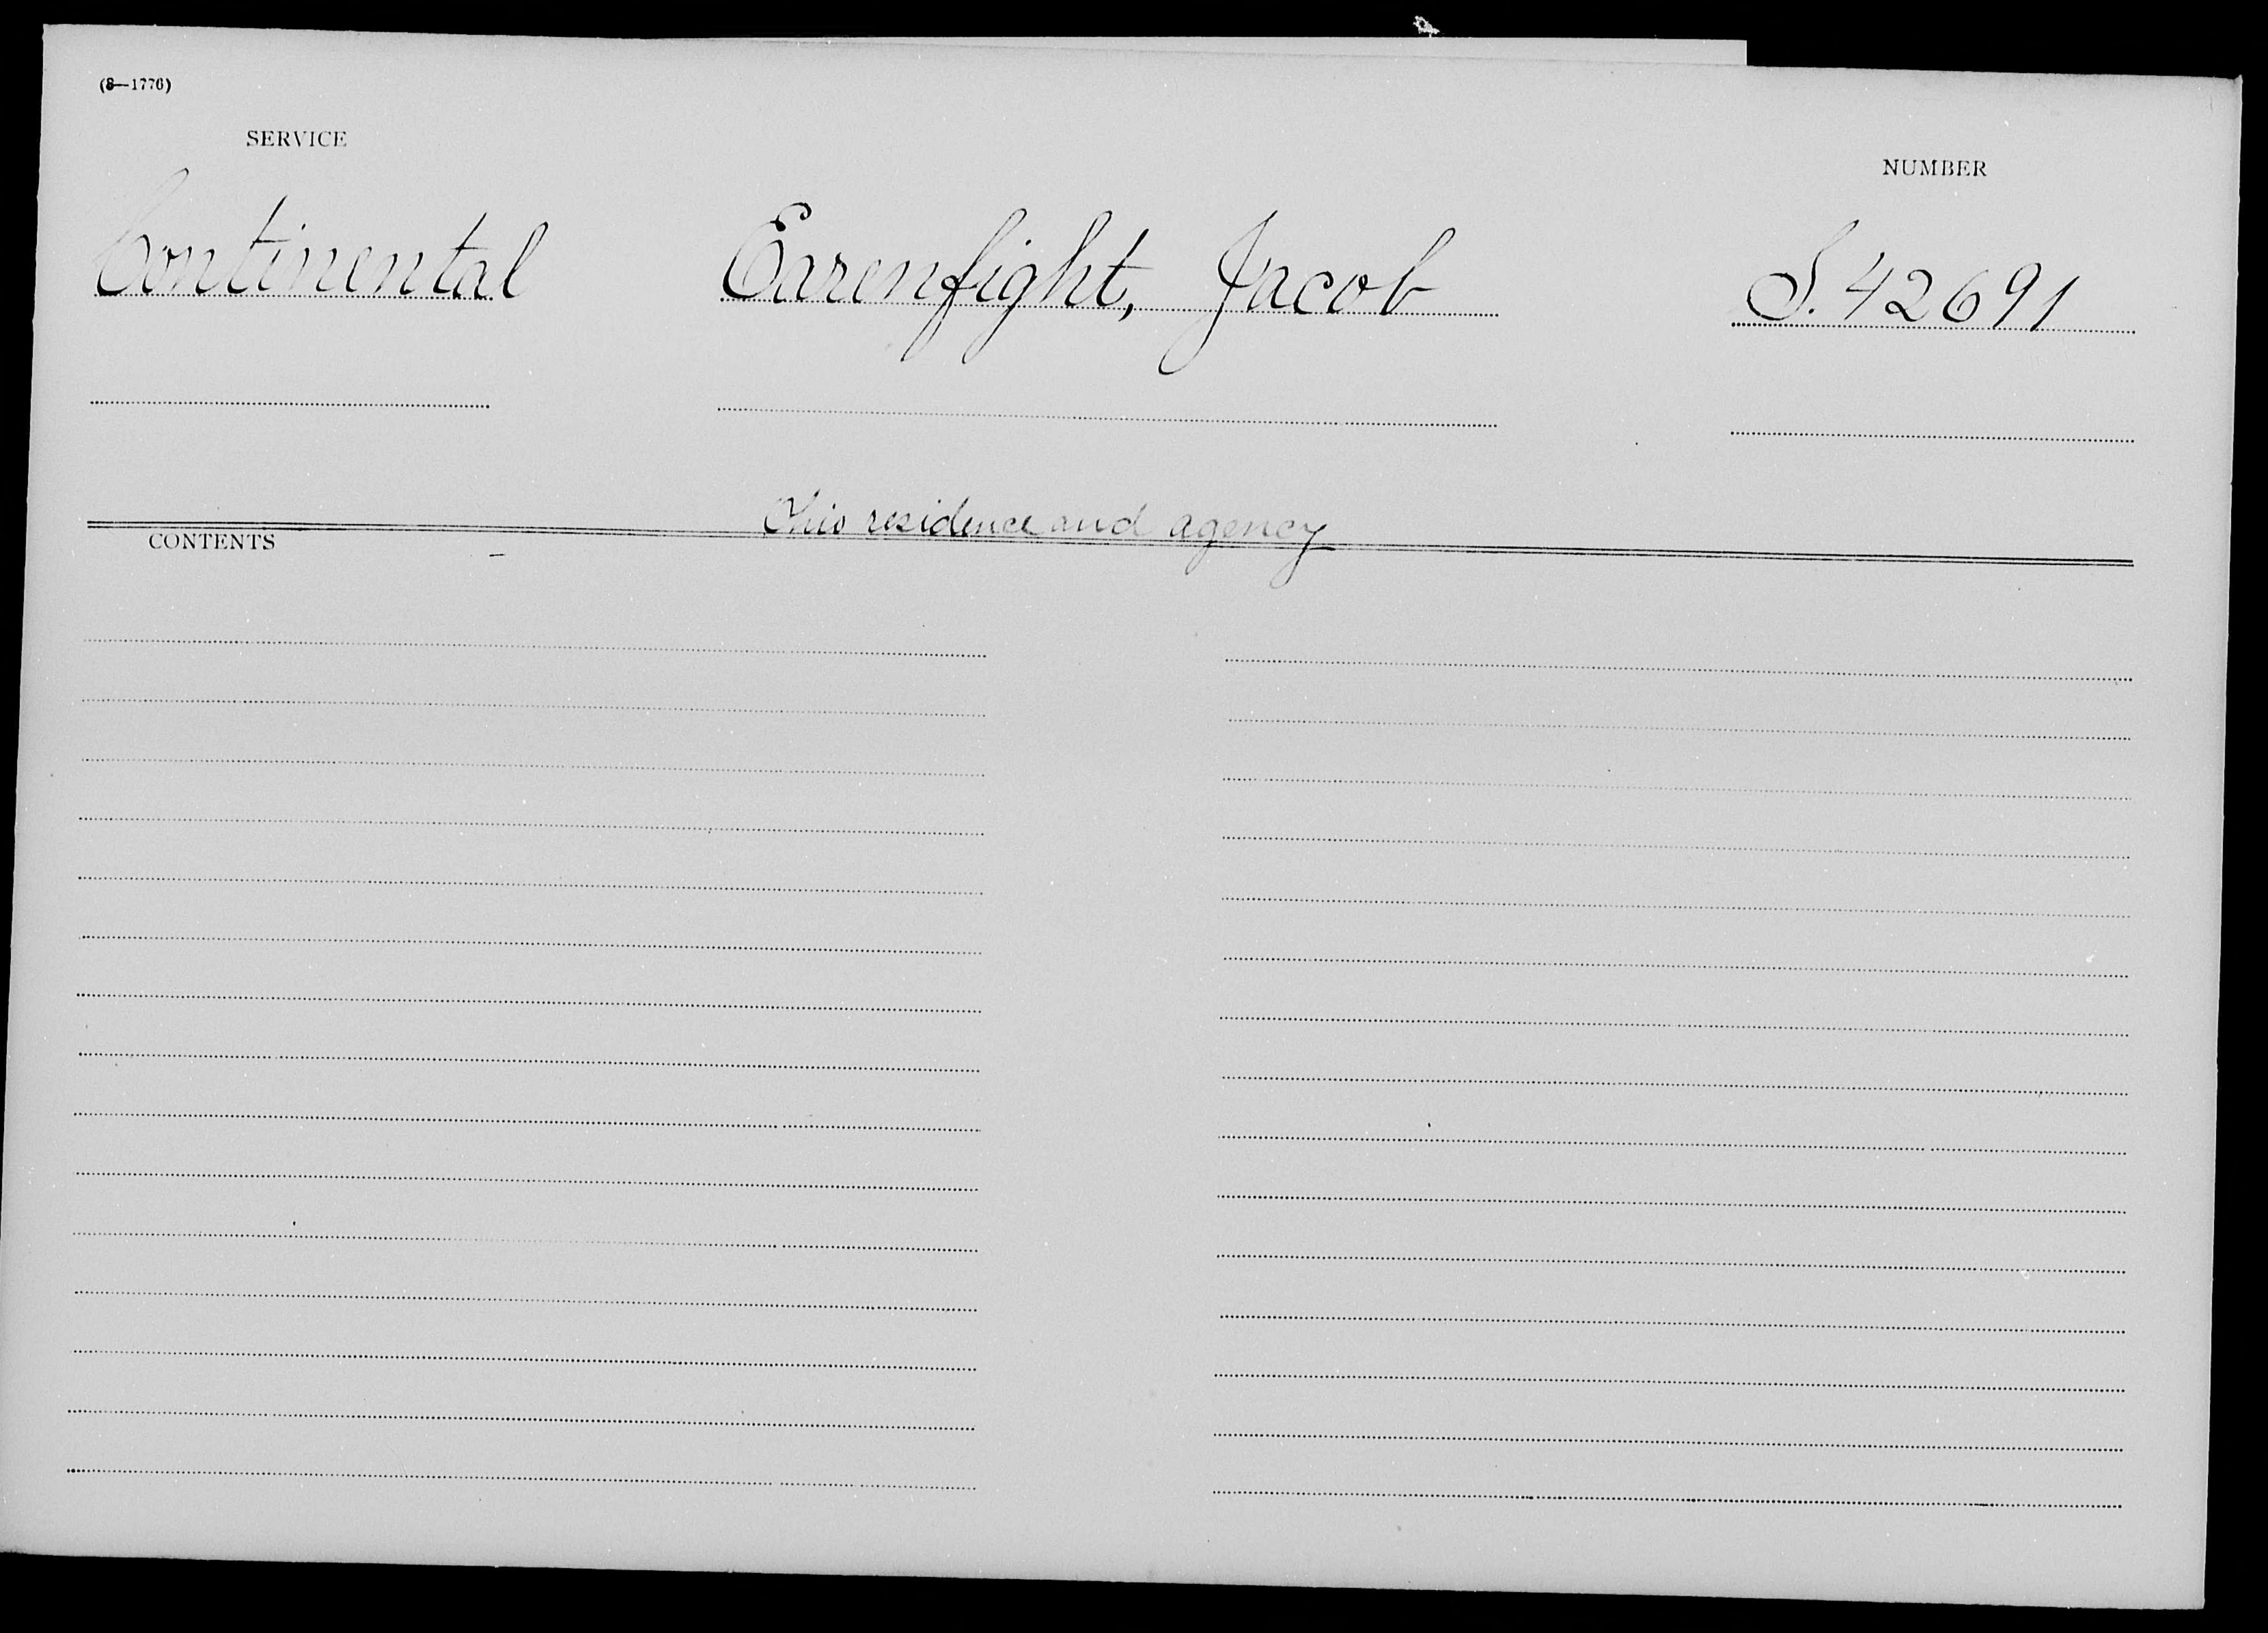Continental
Earenfight, Jacob
S.42691

Ohio residence and agency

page: 1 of 21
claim: survivor's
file: S. 42691, Jacob Earenfight, Continental Ohio Residence And Agency